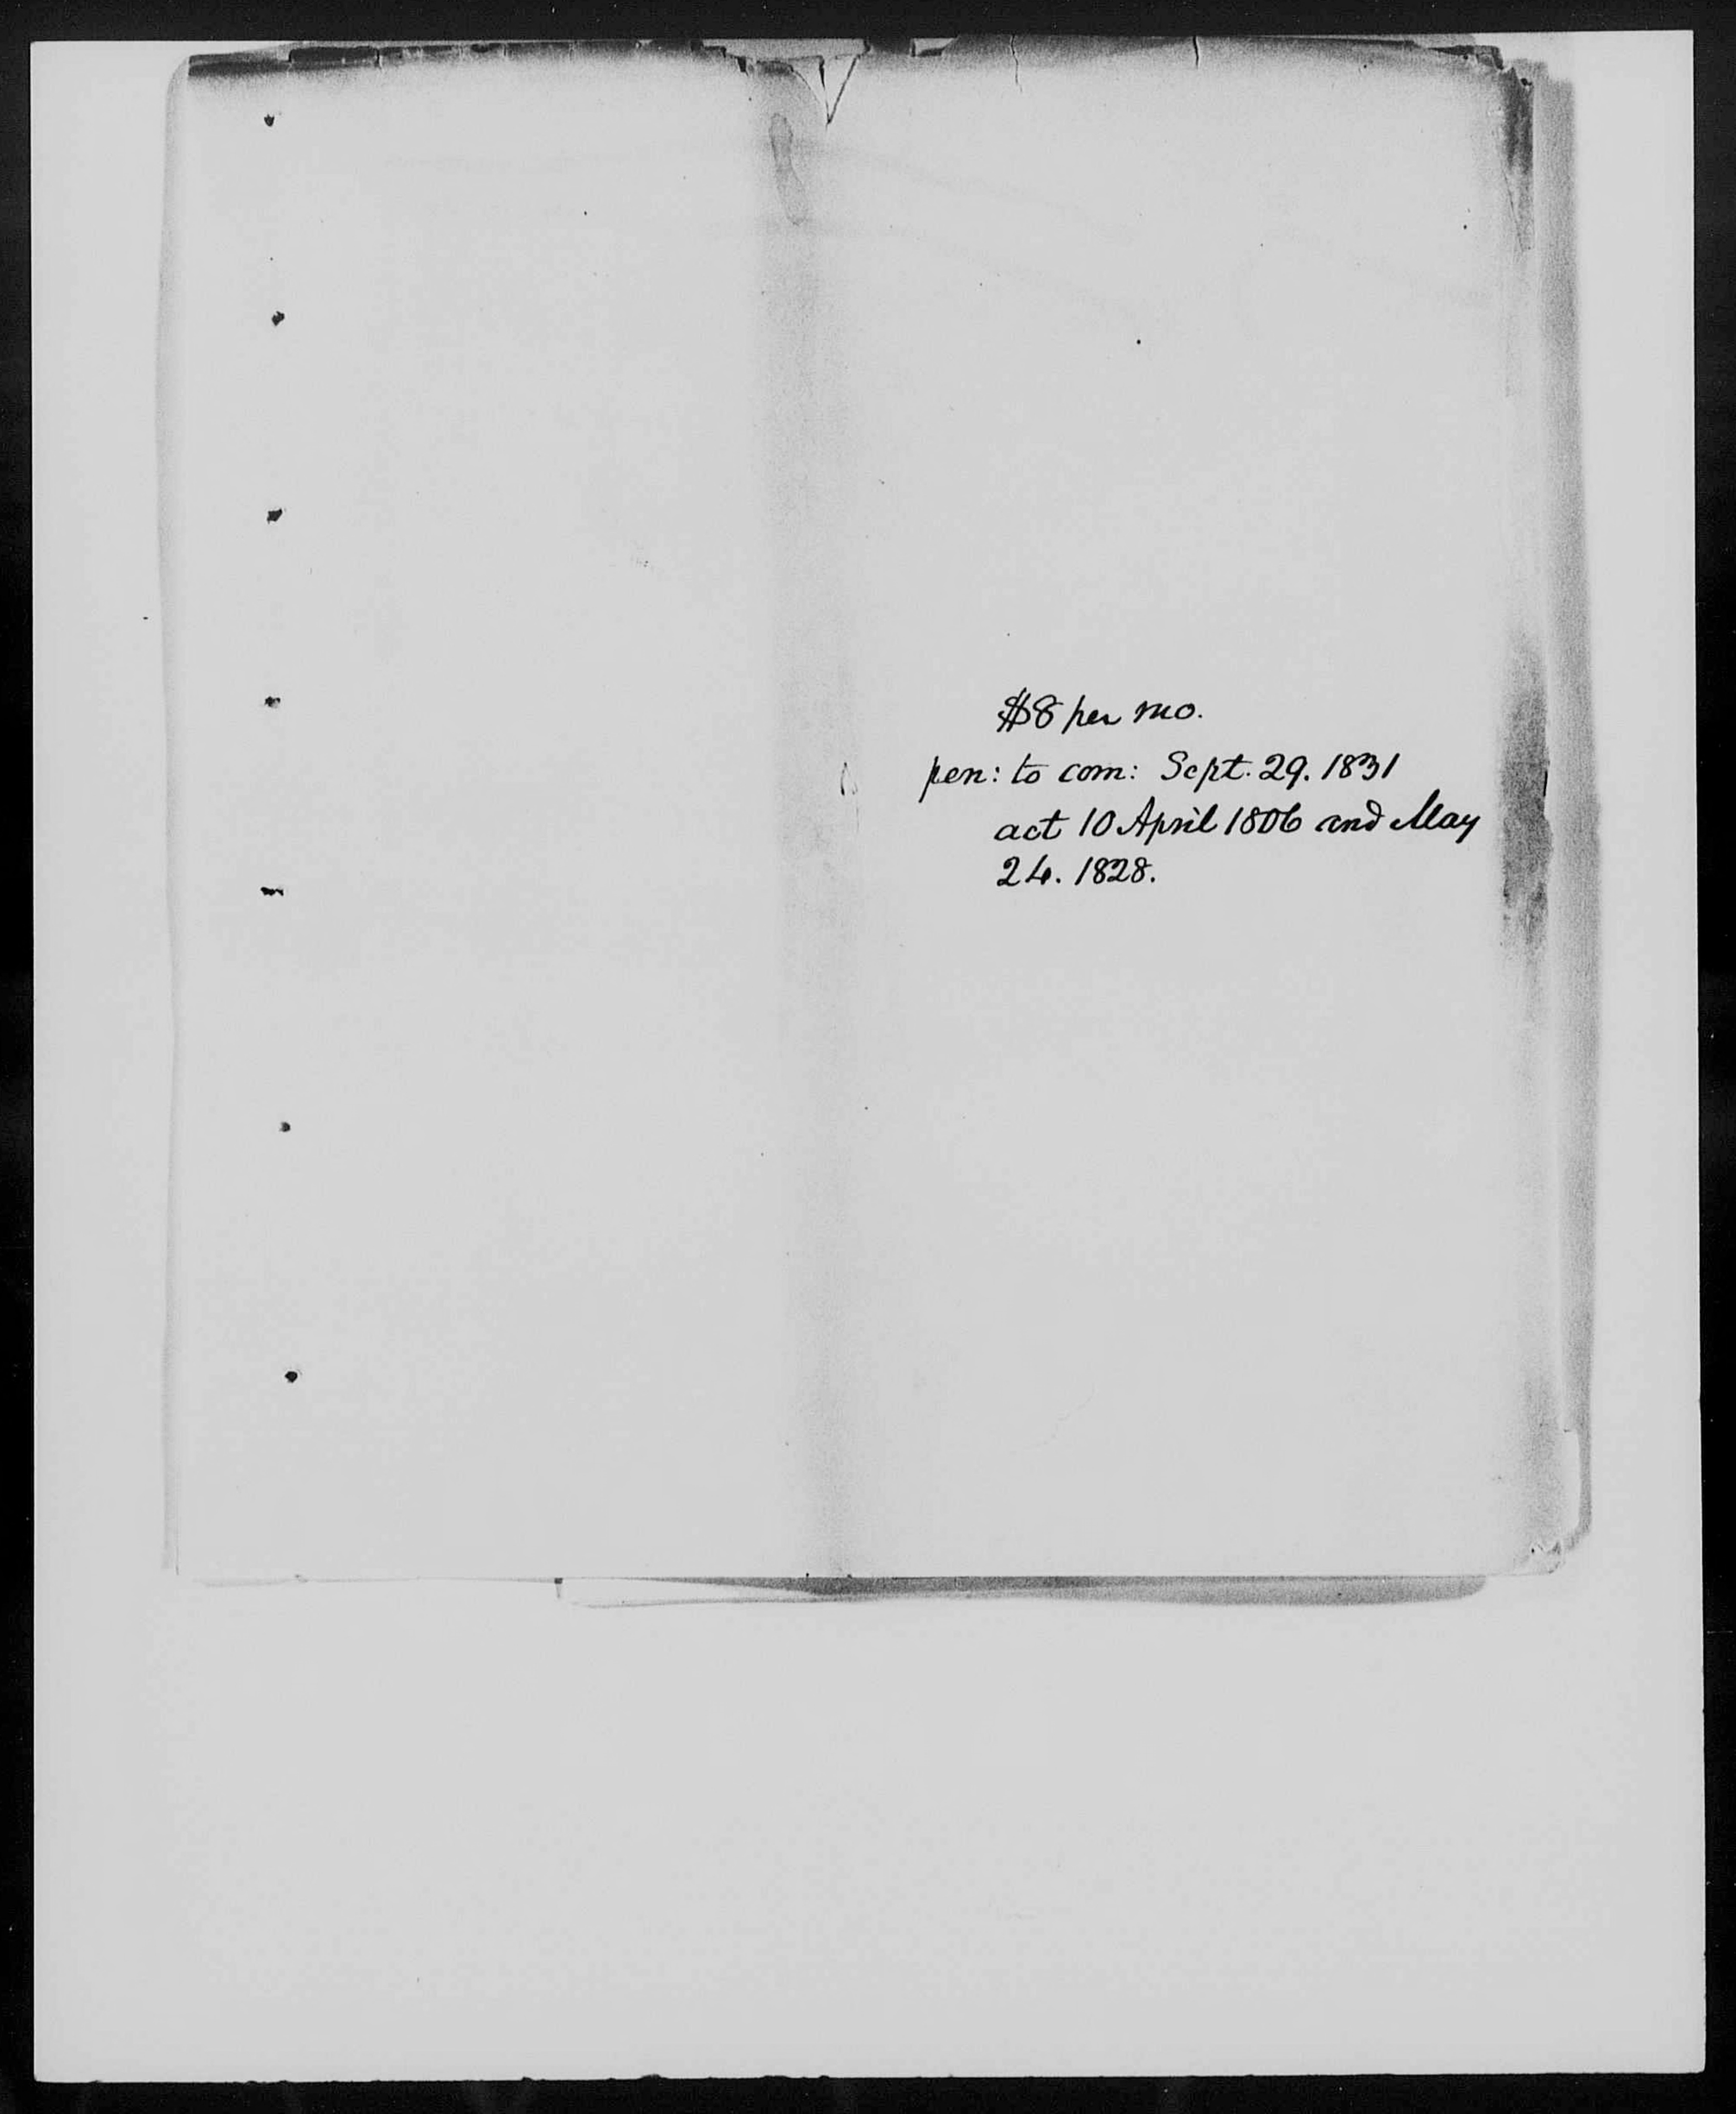$8 per mo.
pen: to com: Sept. 29. 1831
act 10 April 1806 and May 24. 1828.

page: 54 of 100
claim: survivor's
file: S 19186, James Austin, Conn. New York R.I.